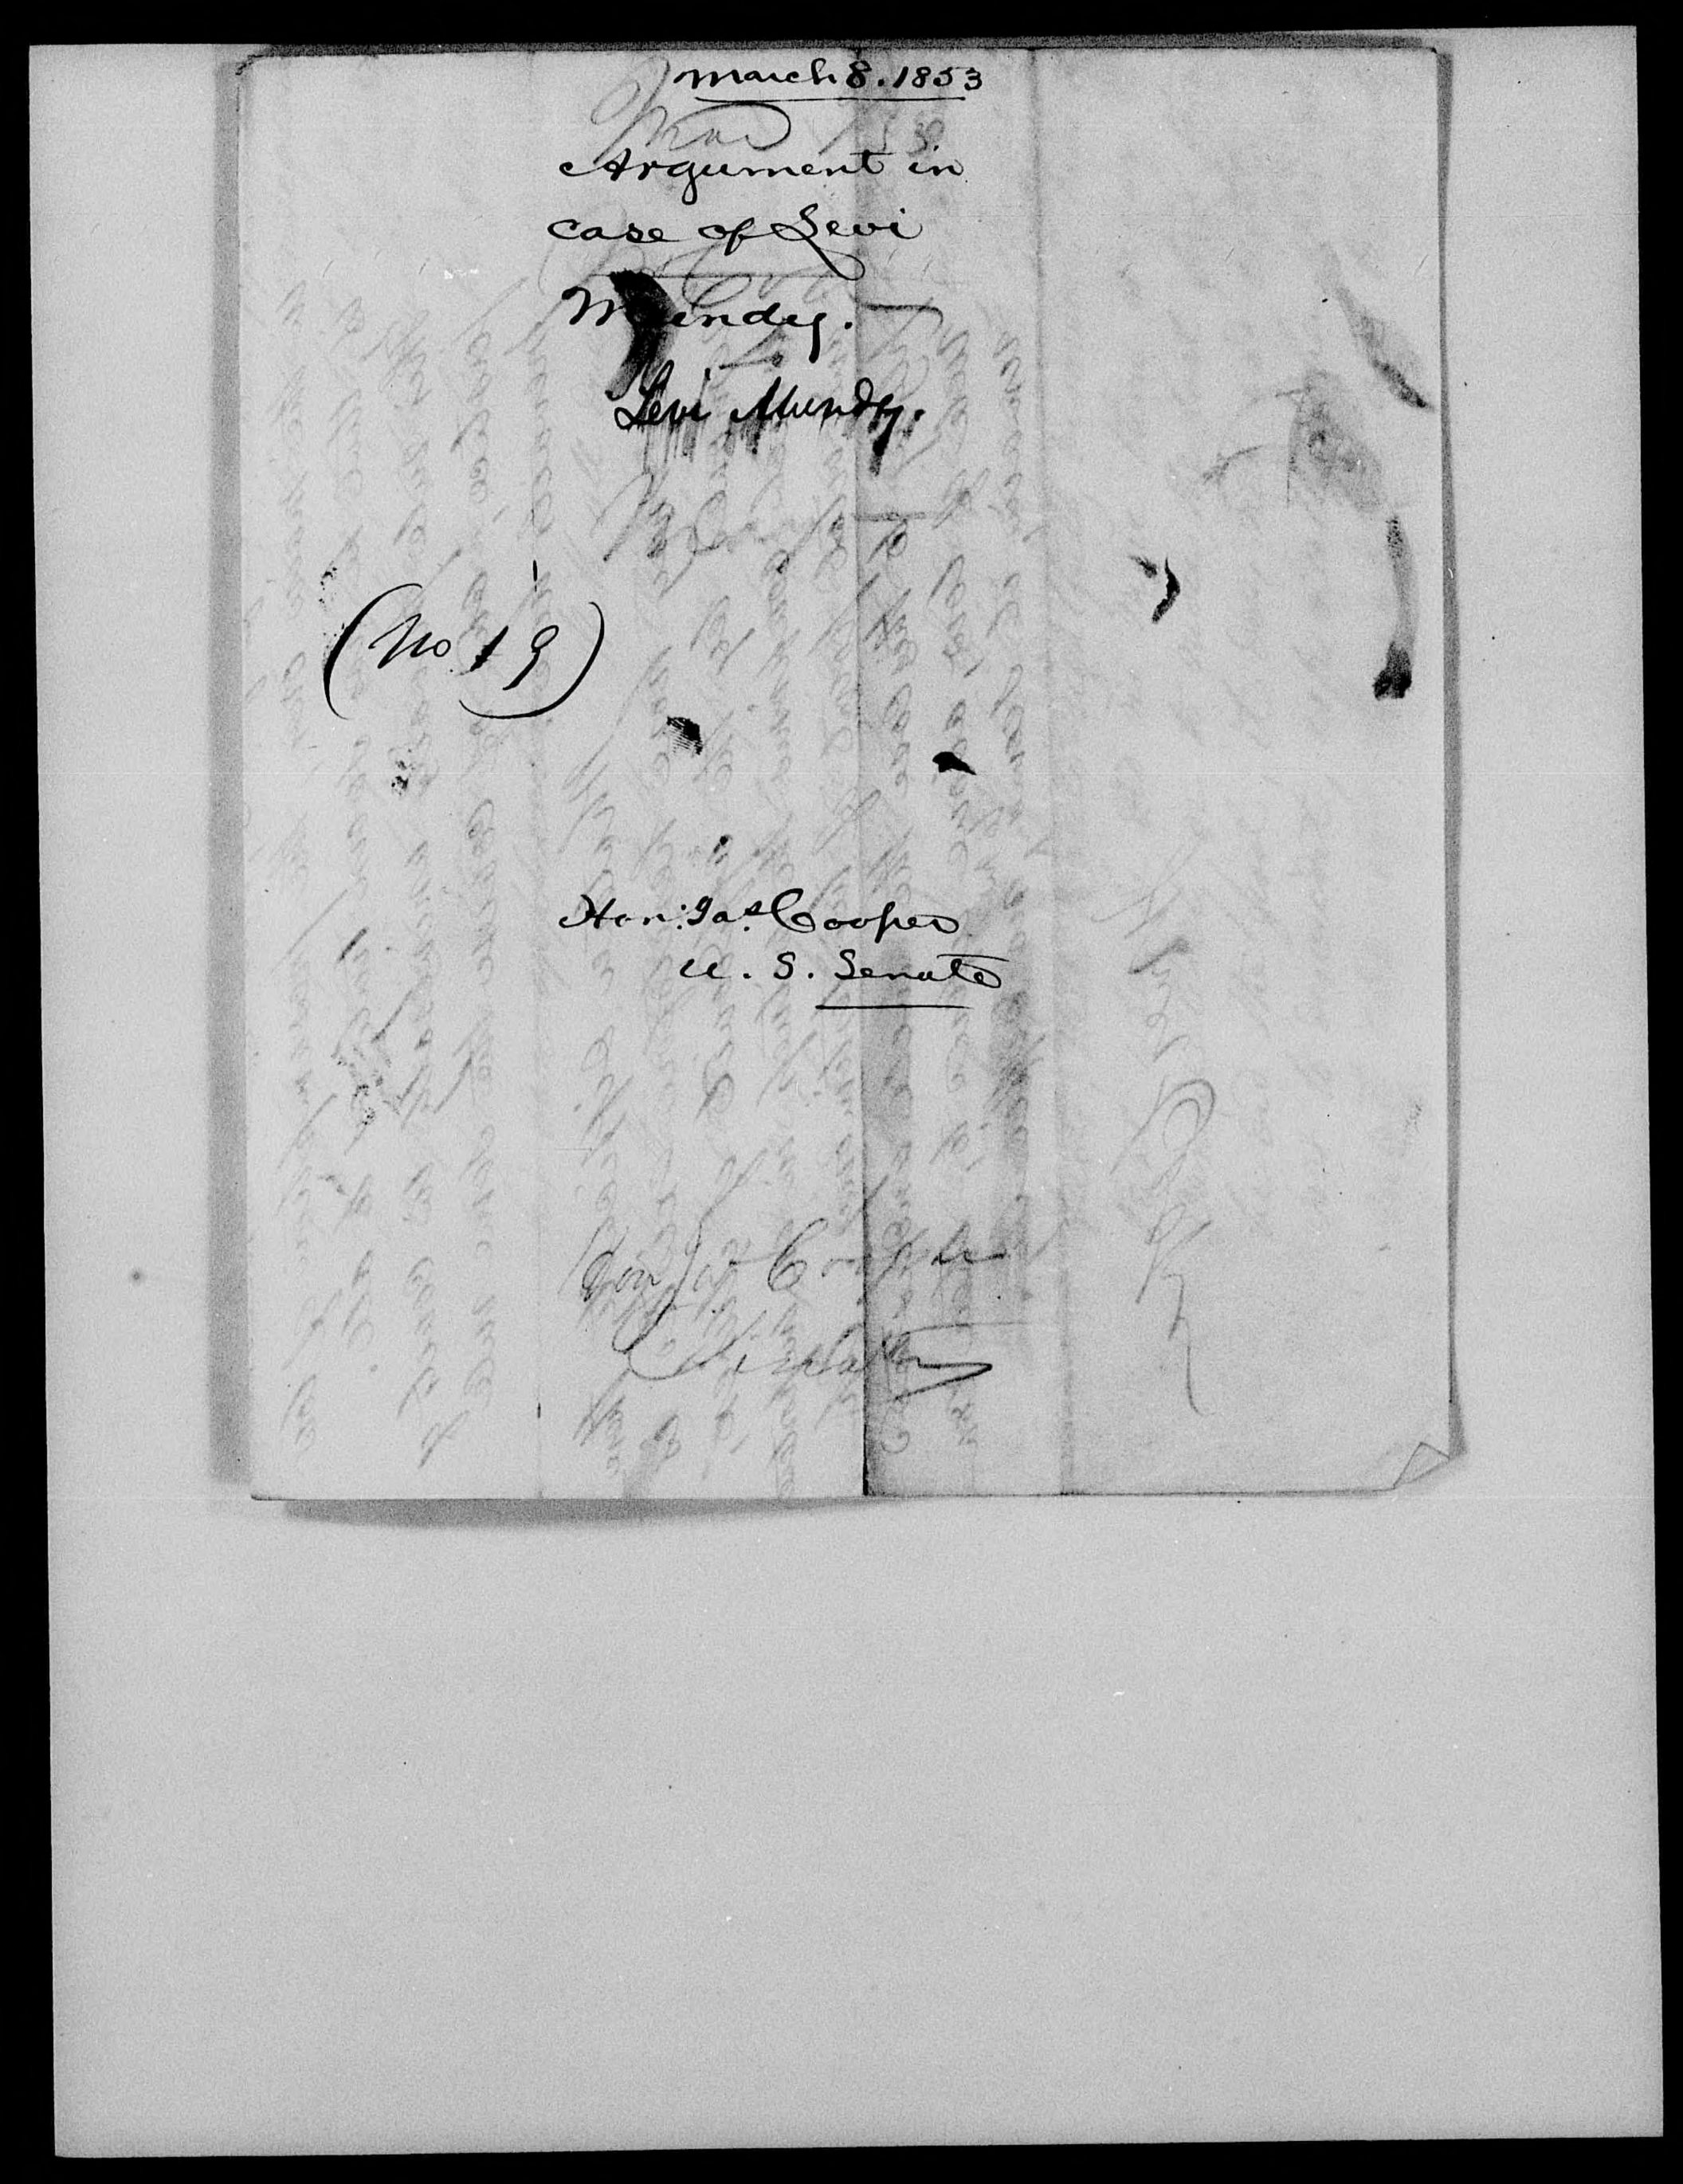March 8, 1853
Mar. 1830

Argument in case of Levi Munday.

Levi Munday

(No. 19)

Hon. Jas Cooper, U.S. Senate

Hon. Jas Cooper, Elizabeth (N.J.)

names: Levi Mundy; Jas Cooper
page: 57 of 95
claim: survivor's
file: S 2889, for Levi Mundy, New Jersey